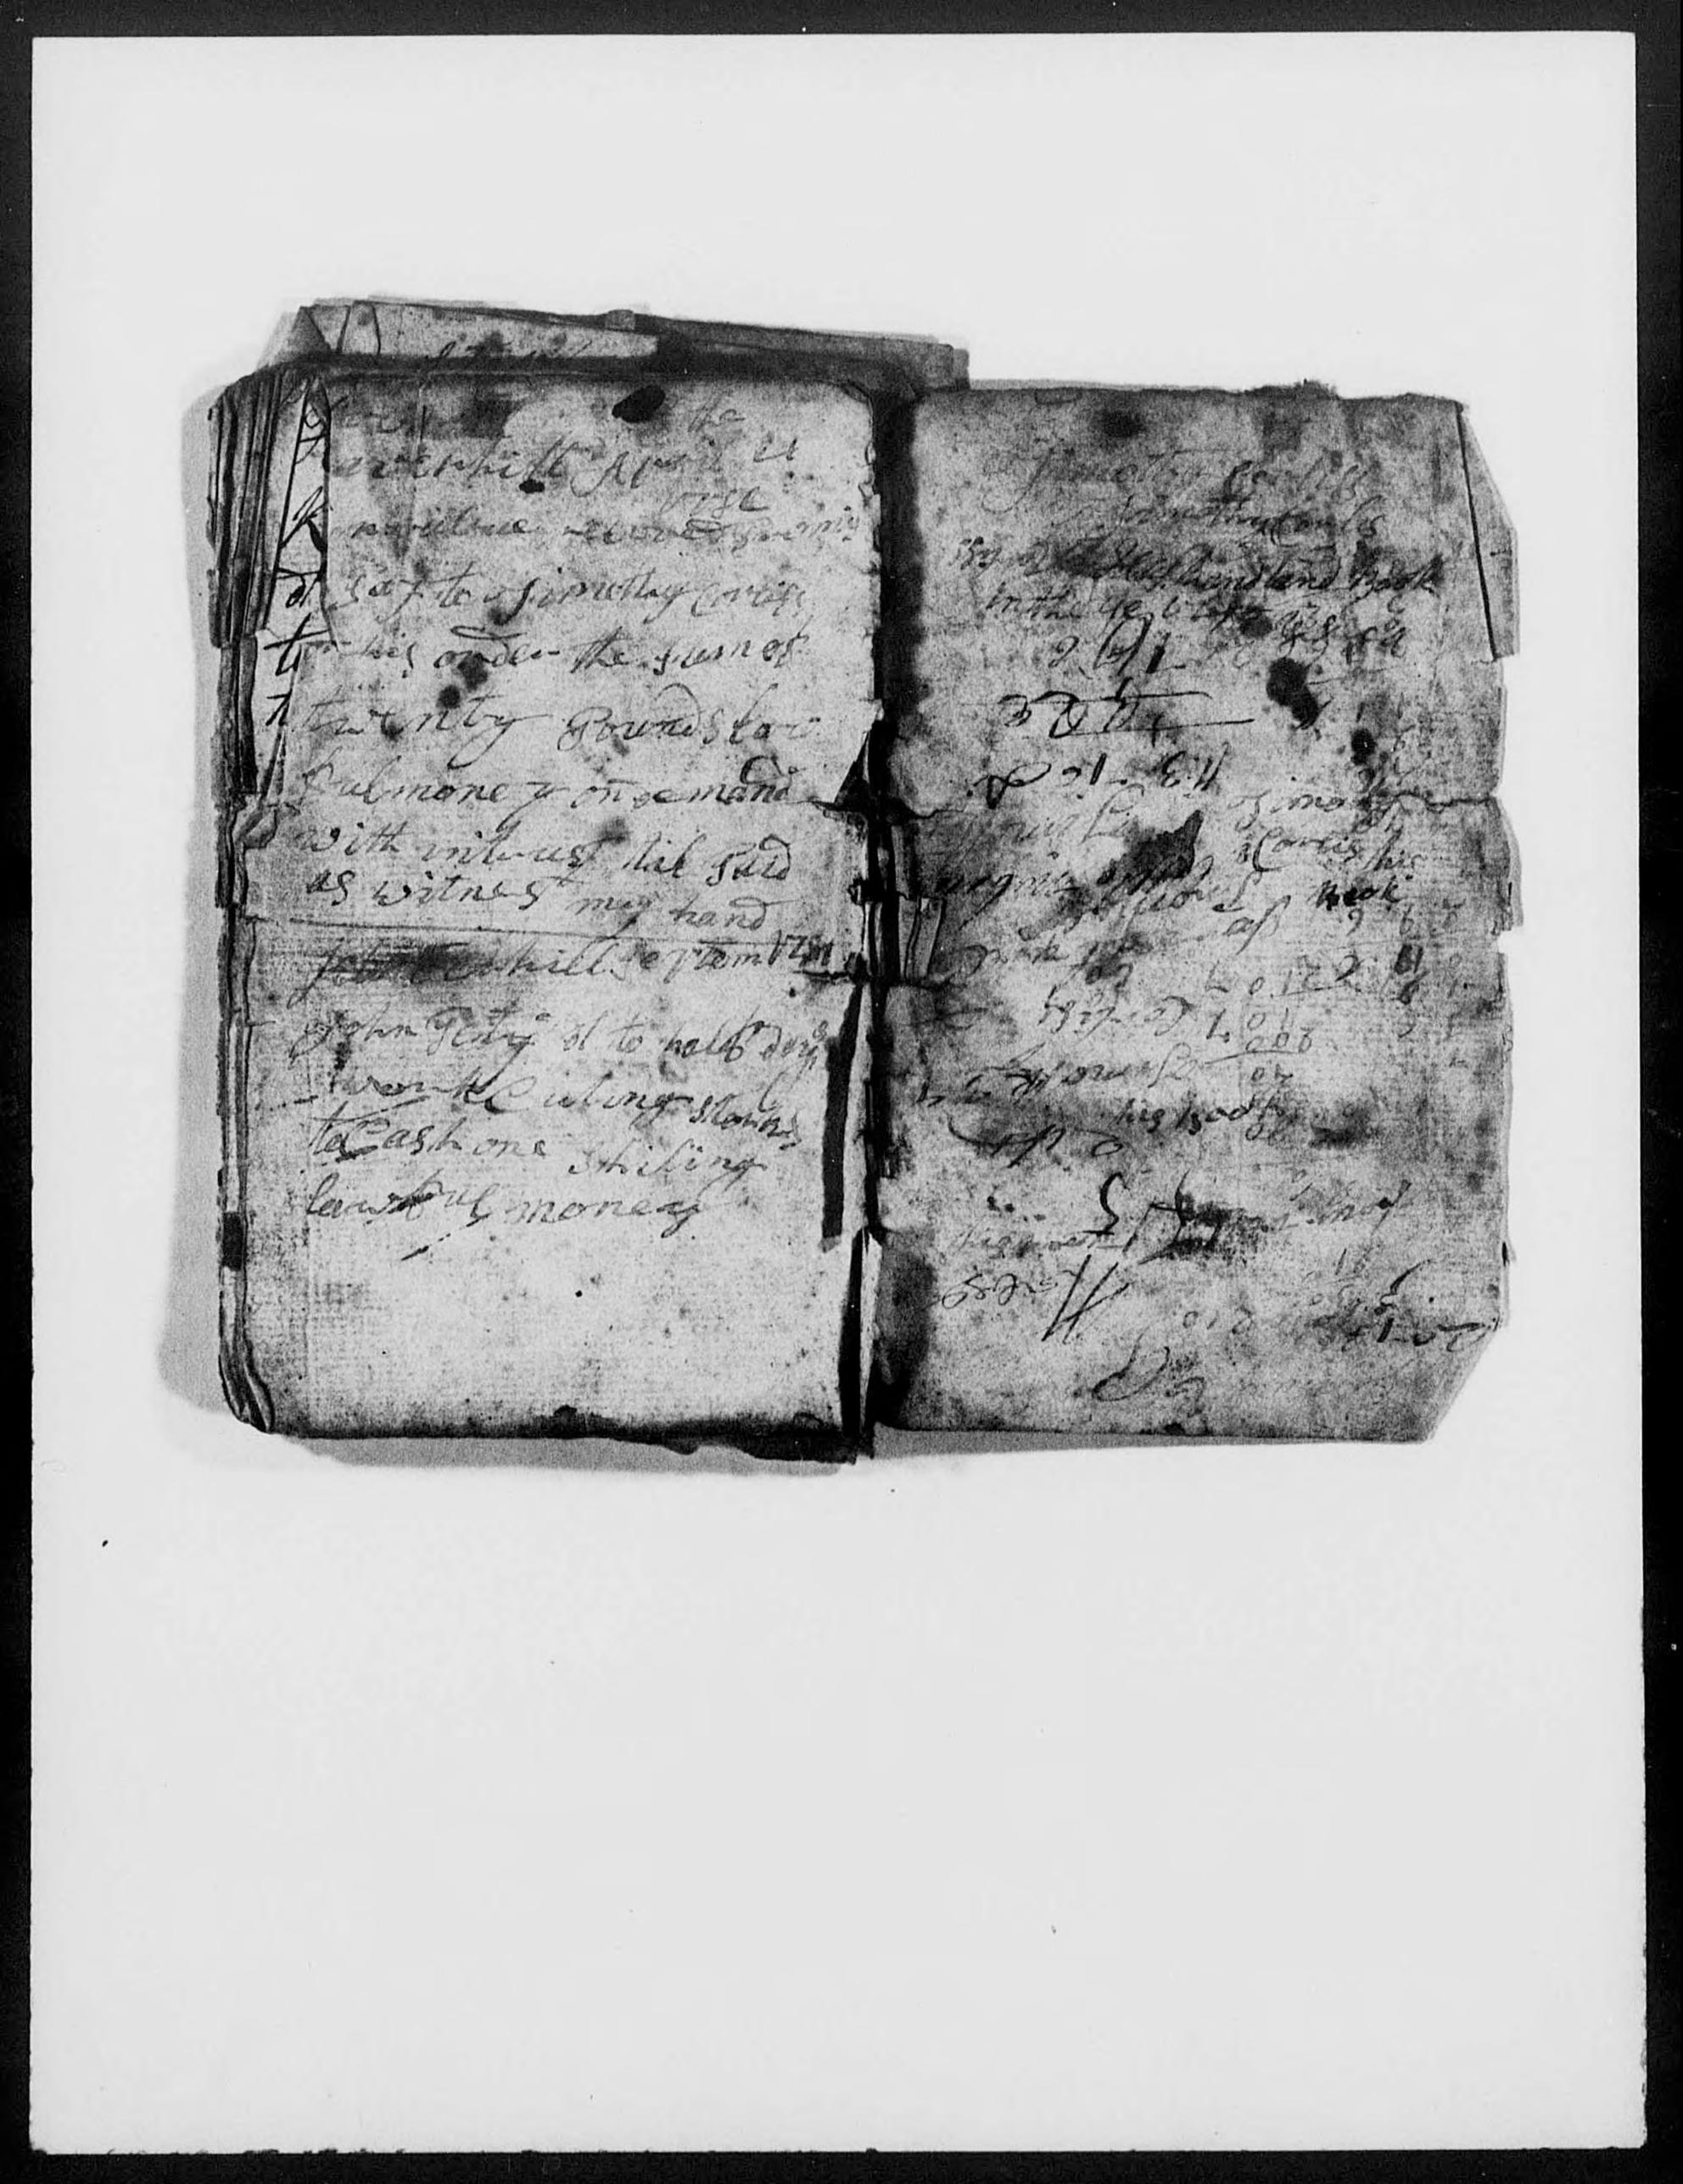[???] to Timothy Coriss [??] his order the sum of twenty pounds star pulmoney on mend with interest nil paid as witness my hand

[??] which [??] John Gety at to half days [??] to cast one stirling handful money

[??]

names: Timothy Corlis, John Pety, Timothy Corlis, Timothy Corlis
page: 22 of 34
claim: widow's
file: W. 20,896, Timothy Corless, Continental Mass